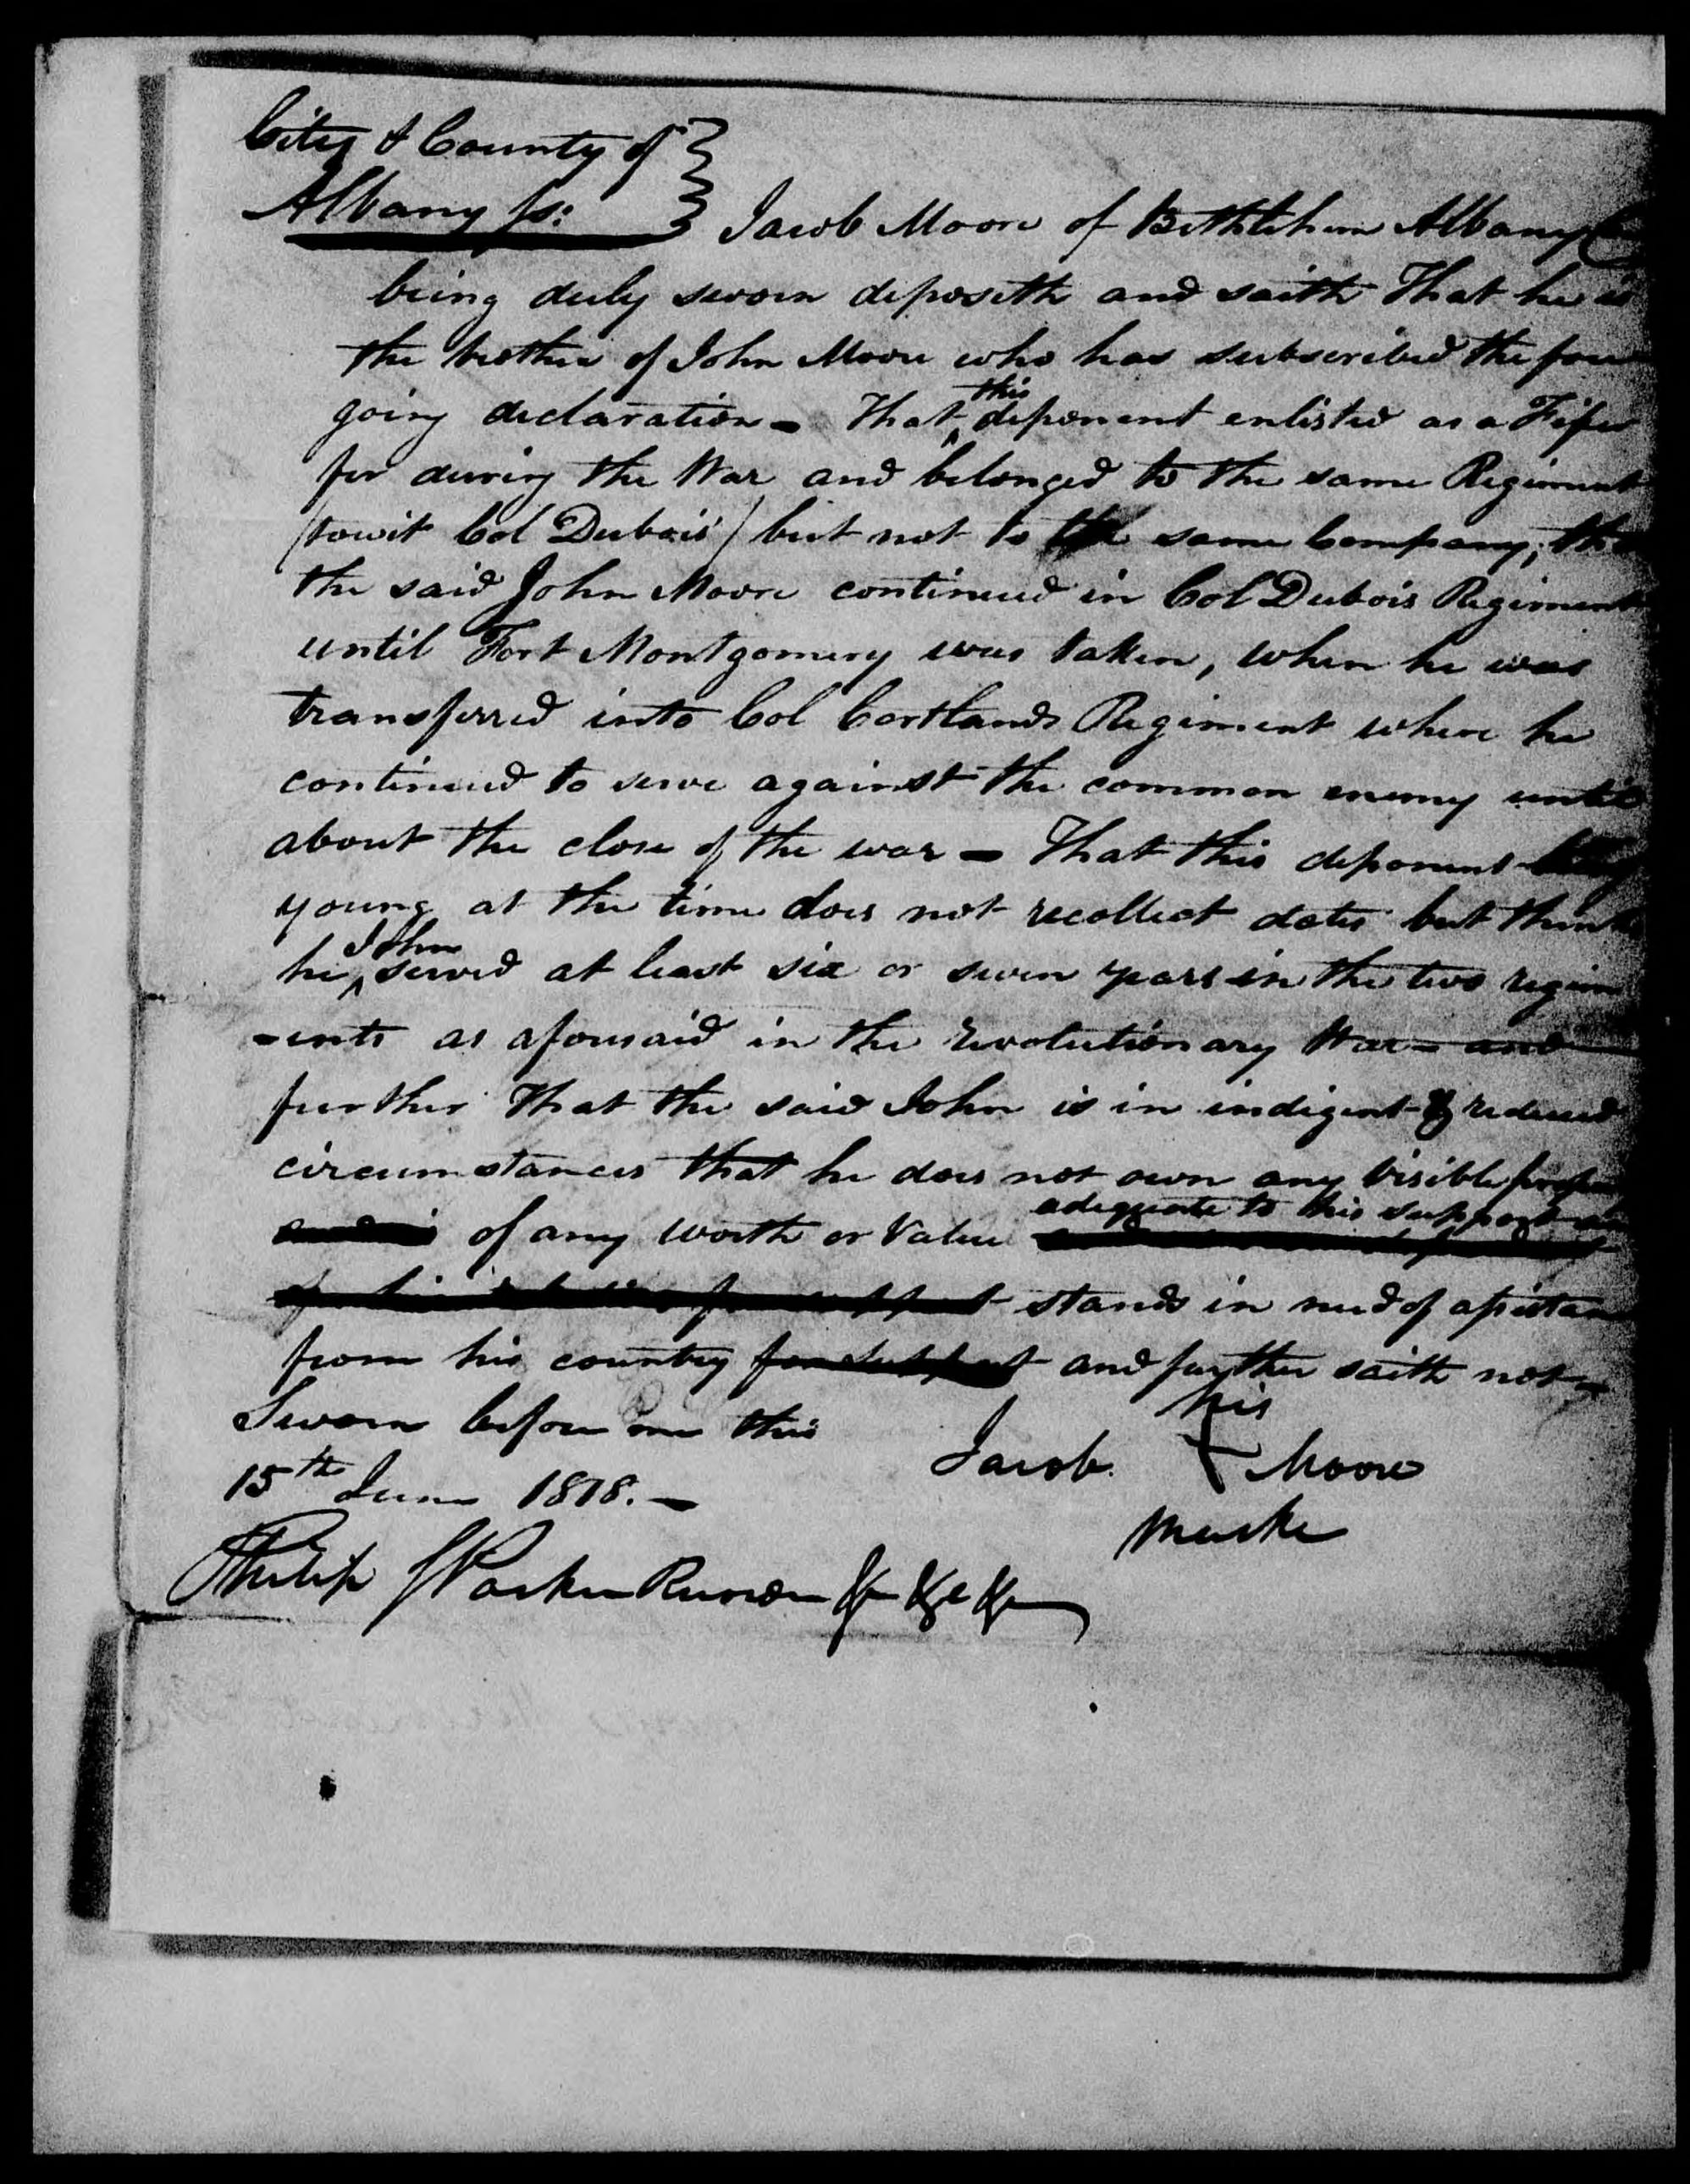City & County of Albany ss:  Jacob Moore of Bethlehem Albany Co being duly sworn deposeth and saith that he is the brother of John Moore who has subscribed the foregoing declaration - That this deponent enlisted as a Fifer for during the War, and belonged to the same Regiment (towit Col Dubois’) but not to the same Company, the the said John Moore continued in Col Dubois Regiment until Fort Montgomery was taken, when he was transferred into Col Cortlands Regiment where he continued to serve against the common enemy until about the close of the war - That this deponent being young at the time does not recollect dates but thinks he John served at least six or seven years in the two regiments as aforesaid in the Revolutionary War – and further that the said John is in indigent & reduced circumstances that he does not own any visible property of any worth or value stands in need of assistance from his country and further saith not 
[signed] Jacob Moore  + his mark
Sworn before me this 15th June 1818. 
[signed] Philip S Parker Recorder &c &c &c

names: Jacob Moore; John Moore; Philip S Parker; [BLANK] Dubois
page: 9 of 15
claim: survivor's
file: S. 43029, for John Moore, New York